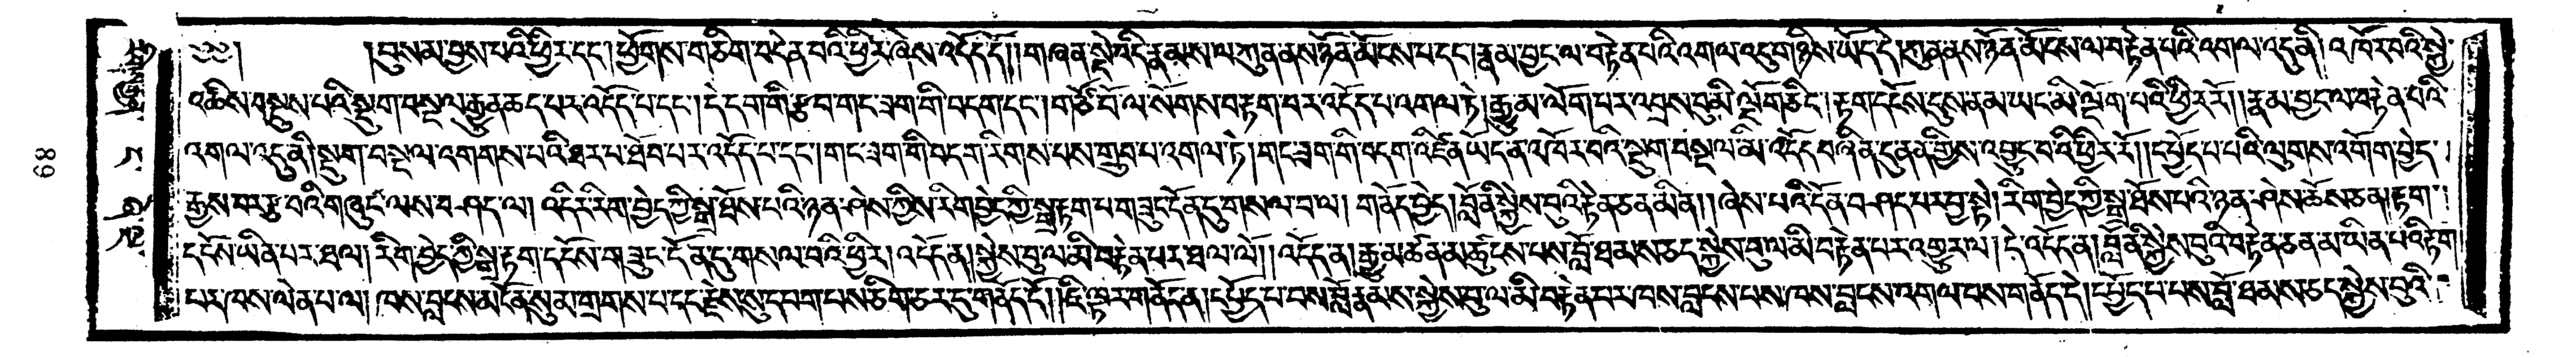༄༅། །བུས་མ་བྱས་པའི་ཕྱིར་དང་། ཕྱོགས་གཅིག་བདེན་པའི་ཕྱིར་ཞེས་འདོད་དོ། །གཞན་སྡེ་འདི་རྣམས་ལ་ཀུན་ནས་ཉོན་མོངས་པ་དང་། རྣམ་བྱང་ལ་བརྟེན་པའི་འགལ་འདུ་གཉིས་ཡོད་དེ། ཀུན་ནས་ཉོན་མོངས་ལ་བརྟེན་པའི་འགལ་འདུ་ནི། འཁོར་བའི་སྐྱེ་
འཆིས་བསྡུས་པའི་སྡུག་བསྔལ་རྒྱུན་ཆད་པར་འདོད་པ་དང་། དེ་དག་གི་རྩ་བ་གང་ཟག་གི་བདག་དང་། གཙོ་བོ་ལ་སོགས་པ་རྟག་པར་འདོད་པ་འགལ་ཏེ། རྒྱུ་མ་ལོག་པར་འབྲས་བུ་མི་ལྡོག་ཅིང་། རྟག་དངོས་དུས་ནམ་ཡང་མི་ལྡོག་པའི་ཕྱིར་རོ། །རྣམ་བྱང་ལ་བརྟེན་པའི་
འགལ་འདུ་ནི། སྡུག་བསྔལ་འགགས་པའི་ཐར་པ་ཐོབ་པར་འདོད་པ་དང་། གང་ཟག་གི་བདག་རིགས་པས་གྲུབ་པ་འགལ་ཏེ། གང་ཟག་གི་བདག་འཛིན་ཡོད་ན་འཁོར་བའི་སྡུག་བསྔལ་མི་འདོད་བཞིན་དུ་ན་ནི་གྱིས་འབྱུང་བའི་ཕྱིར་རོ། །དཔྱོད་པ་པའི་ལུགས་འགོག་བྱེད་
རྒྱས་པར་རྩ་བའི་གཞུང་ལས་བཤད་ལ། འདིར་རིག་བྱེད་ཀྱི་སྒྲ་ཐོས་པའི་ཉན་ཤེས་ཀྱིས་རིག་བྱེད་ཀྱི་སྒྲ་རྟག་པ་གཟུང་དོན་དུ་གསལ་བ་ལ། གནོད་བྱེད། བློ་ནི་སྐྱེས་བུའི་རྟེན་ཅན་མིན། །ཞེས་པའི་དོན་བཤད་པར་བྱ་སྟེ། རིག་བྱེད་ཀྱི་སྒྲ་ཐོས་པའི་ཉན་ཤེས་ཆོས་ཅན། རྟག་
དངོས་ཡིན་པར་ཐལ། རིག་བྱེད་ཀྱི་སྒྲ་རྟག་དངོས་གཟུང་དོན་དུ་གསལ་བའི་ཕྱིར། འདོད་ན། སྐྱེས་བུ་ལ་མི་བརྟེན་པར་ཐལ་ལོ། །འདོད་ན། རྒྱུ་མཚན་མཚུངས་པས་བློ་ཐམས་ཅད་སྐྱེས་བུ་ལ་མི་བརྟེན་པར་འགྱུར་ལ། དེ་འདོད་ན། བློ་ནི་སྐྱེས་བུའི་བརྟེན་ཅན་མ་ཡིན་པའི་རྟག་
པར་ཁས་ལེན་པ་ལ། ཁས་བླངས་མངོན་སུམ་གྲགས་པ་དང་རྗེས་སུ་དཔག་པས་ཅིག་ཅར་དུ་གནོད་དོ། །ཇི་ལྟར་གནོད་ན། དཔྱོད་པ་པས་བློ་རྣམས་སྐྱེས་བུ་ལ་མི་བརྟེན་པར་ཁས་བླངས་པས་ཁས་བླངས་འགལ་བས་གནོད་དེ། དཔྱོད་པ་པས་བློ་ཐམས་ཅད་སྐྱེས་བུའི་